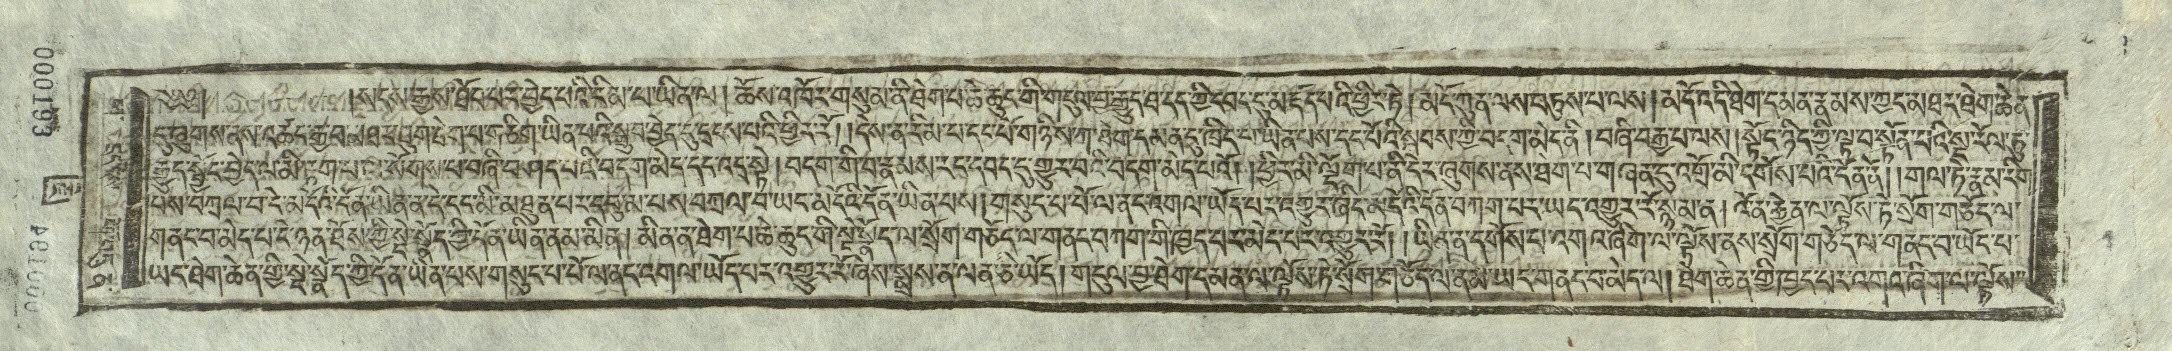༄༅། །སངས་རྒྱས་ཐོབ་པར་བྱེད་པའི་རིམ་པ་ཡིན་ལ། ཆོས་འཁོར་གསུམ་ནི་ཐེག་པ་ཆེ་ཆུང་གི་གདུལ་བྱ་རྒྱུད་ཐ་དད་ཀྱི་དབང་དུ་མཛད་པའི་ཕྱིར་ཏེ། མདོ་ཀུན་ལས་བཏུས་པ་ལས། མདོ་འདི་ཐེག་དམན་རྣམས་ཀྱང་མཐར་ཐེག་ཆེན་
དུ་ཞུགས་ནས་འཚང་རྒྱ་བ་མཐར་ཐུག་ཐེག་པ་གཅིག་ཡིན་པའི་སྒྲུབ་བྱེད་དུ་དྲངས་པའི་ཕྱིར་རོ། །དེས་ན་རིམ་པ་དང་པོ་གཉིས་ཀ་ཐེག་དམན་དུ་ཁྲིད་པ་ཡིན་པས་དང་པོའི་སྐབས་ཀྱི་བདག་མེད་ནི། བཞི་བརྒྱ་པ་ལས། སྟོང་ཉིད་ཀྱི་ལྟ་བ་སྟན་པའི་སྔ་རོལ་ཏུ་
རྒྱུད་སྦྱོང་བྱེད་ལ་མི་རྟག་པ་ལ་སོགས་པ་བཞི་བཤད་པའི་བདག་མེད་དང་འདྲ་སྟེ། བདག་གི་ང་རྣམས་རང་དབང་དུ་གྱུར་པའི་བདག་མེད་པའོ། །ཕྱིར་མི་ལྡོག་པ་ནི་དེར་ཞུགས་ནས་ཐེག་པ་གཞན་དུ་འགྲོ་མི་དགོས་པའི་དོན་ནོ། །གལ་ཏེ་རྣམ་རིག་
པས་བཀྲལ་བ་དེ་མདོའི་དོན་ཡིན་ན་དེ་དང་མི་མཐུན་པར་དབུ་མ་པས་བཀྲལ་བ་ཡང་མདོའི་དོན་ཡིན་པས། གསུང་བ་པོ་ལ་ནང་འགལ་ཡོད་པར་འགྱུར་ཞིང་མདོའི་དོན་བཀག་པར་ཡང་འགྱུར་རོ་སྙམ་ན། འོ་ན་རྐྱེན་ལ་ལྟོས་ཏེ་སྲོག་གཅོད་ལ་
གནང་བ་མེད་པ་དེ་ཉན་ཐོས་ཀྱི་སྡེ་སྣོད་ཀྱི་དོན་ཡིན་ནམ་མིན། མིན་ན་ཐེག་པ་ཆེ་ཆུང་གི་སྡེ་སྣོད་ལ་སྲོག་གཅད་ལ་གནང་བཀག་གི་ཁྱད་པར་མེད་པར་འགྱུར་རོ། །ཡིན་ན་དགོས་པ་འགའ་ཞིག་ལ་ལྟོས་ནས་སྲོག་གཅེད་ལ་གནང་བ་ཡོད་པ་
ཡང་ཐེག་ཆེན་གྱི་སྡེ་སྣད་ཀྱི་དོན་ཡིན་པས་གསུང་བ་པོ་ལ་ནང་འགལ་ཡོད་པར་འགྱུར་རོ་ཞེས་སྨྲས་ན་ལན་ཅི་ཡོད། གདུལ་བྱ་ཐེག་དམན་ལ་ལྟོས་ཏེ་སྲོག་གཅོད་ལ་ནམ་ཡང་གནང་བ་མེད་ལ། ཐེག་ཆེན་གྱི་ཁྱད་པར་འགའ་ཞིག་ལ་ལྟོས་